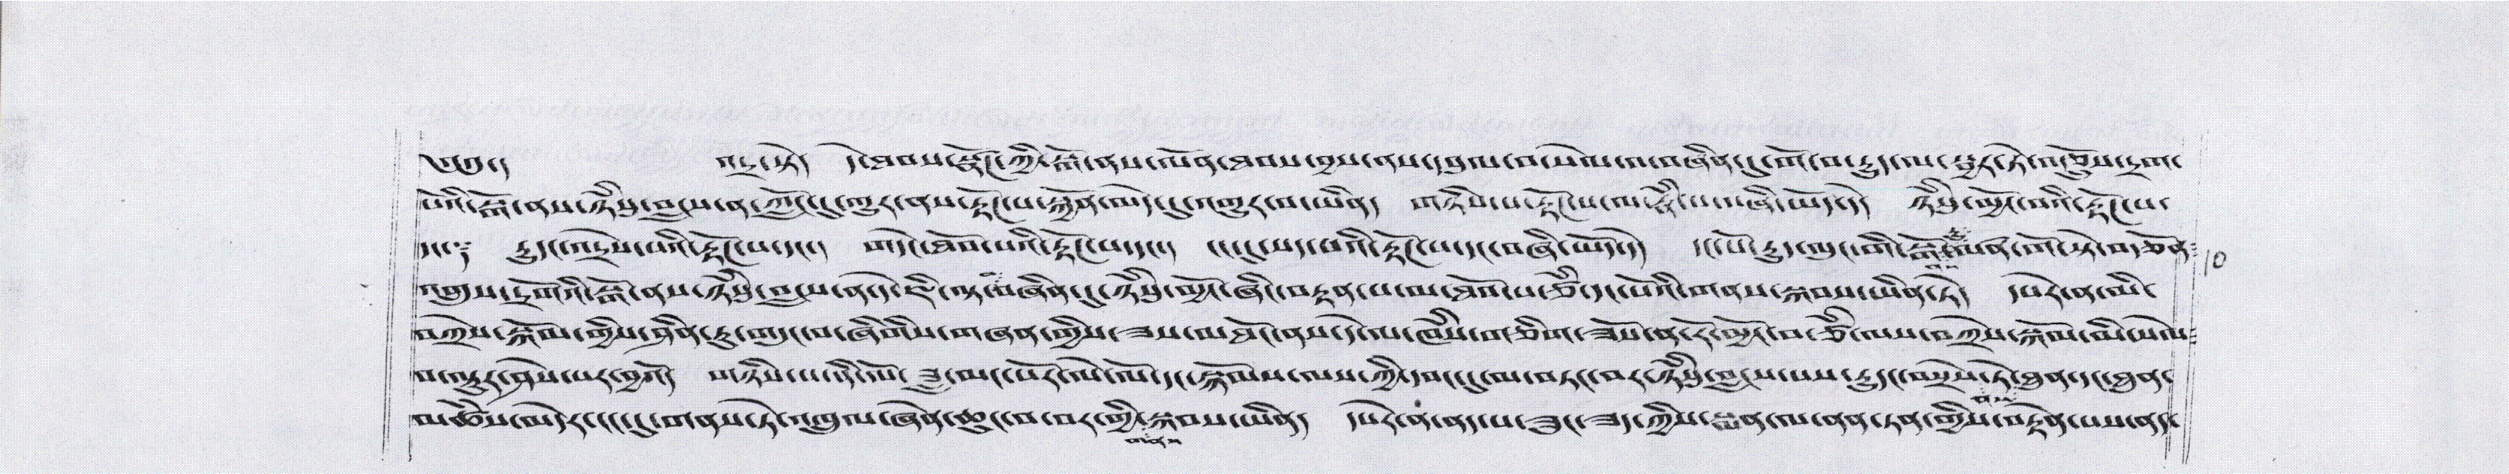འདྲ་སྟེ། དེ་ཐབས་སྣ་ཚོགས་ཀྱི་སྒོ་ནས་ལོན་ཐབས་བྱས་ནས་དབུལ་བ་སེལ་བ་བཞིན་དུ་གོ་བ་རྒྱུད་ལ་སྦྱར་ཏེ་བརྩོན་འགྲུས་དྲ་
བ་པོའི་སྒོ་ནས་ཉམས་སུ་བླངས་ན་ཀློང་དུ་གྱུར་ནས་རྟོགས་པ་སྐྱོན་མེད་དུ་འགྱུར་བ་ཡིན། གཉིས་པ་རྟོགས་པ་ལ་རྣམ་པ་བཞི་ཡོད་དེ། ཉམས་སུ་མྱོང་བའི་རྟོགས་པ་
དང། རྒྱུད་དང་འདྲེས་པའི་རྟོགས་པ་དང། གདེང་ཐོབ་པའི་རྟོགས་པ་དང། ངང་དུ་སད་པའི་རྟོགས་པ་དང་བཞི་ཡོད་དེ། དང་པོ་རྒྱུད་ལུང་གི་སྒོ་ནས་རྒྱུན་མཚན་གོ་སྟེ་བརྩོན་
འགྲུས་དྲག་པོའི་སྒོ་ནས་ཉམས་སུ་བླངས་ན་དེ་ཇི་ལྟ་བ་བཞིན་དུ་ཉམས་སུ་མྱོང་ཞིང་བརྟན་པ་མ་ཐོབ་པ་ཙམ་དང་པོའི་གནས་སྐབས་ཡིན་ཏེ། དཔེར་ན་མི་
བཀྲེས་སྐོམ་གྱིས་ཤིན་ཏུ་གདུང་བ་ཞིག་གིས་གཞན་གྱིས་ཟས་མཐོང་ནས་དེ་ལ་ཁམས་གཅིག་ཟོས་ན་རོ་མྱོང་བ་ཙམ་ལས་བཀྲེས་སྐོམ་མི་སེལ་
བ་ལྟ་བུར་ཤེས་པར་བྱའོ། གཉིས་པ་འདི་ལོ་ཟླ་མང་པོར་ལེ་ལོ་དང་སྙོམས་ལས་ཀྱི་དབང་དུ་མ་བཏང་བར་ཉམས་སུ་བླངས་པས་རྒྱུད་དང་བསྲེས་ཏེ་ཐུན་དང་ཐུན་
མཚམས་མེད་པར་ངང་དུ་གནས་ཏེ་འཁྲུལ་ཞེན་ཆུ་བ་བར་གྱི་གནས་སྐབས་ཡིན། དཔེར་ན་ནད་པ་ཟུང་ཟད་ཀྱིས་སྨན་ལ་ནན་ཏན་གྱིས་བརྟེན་པས་ནད་